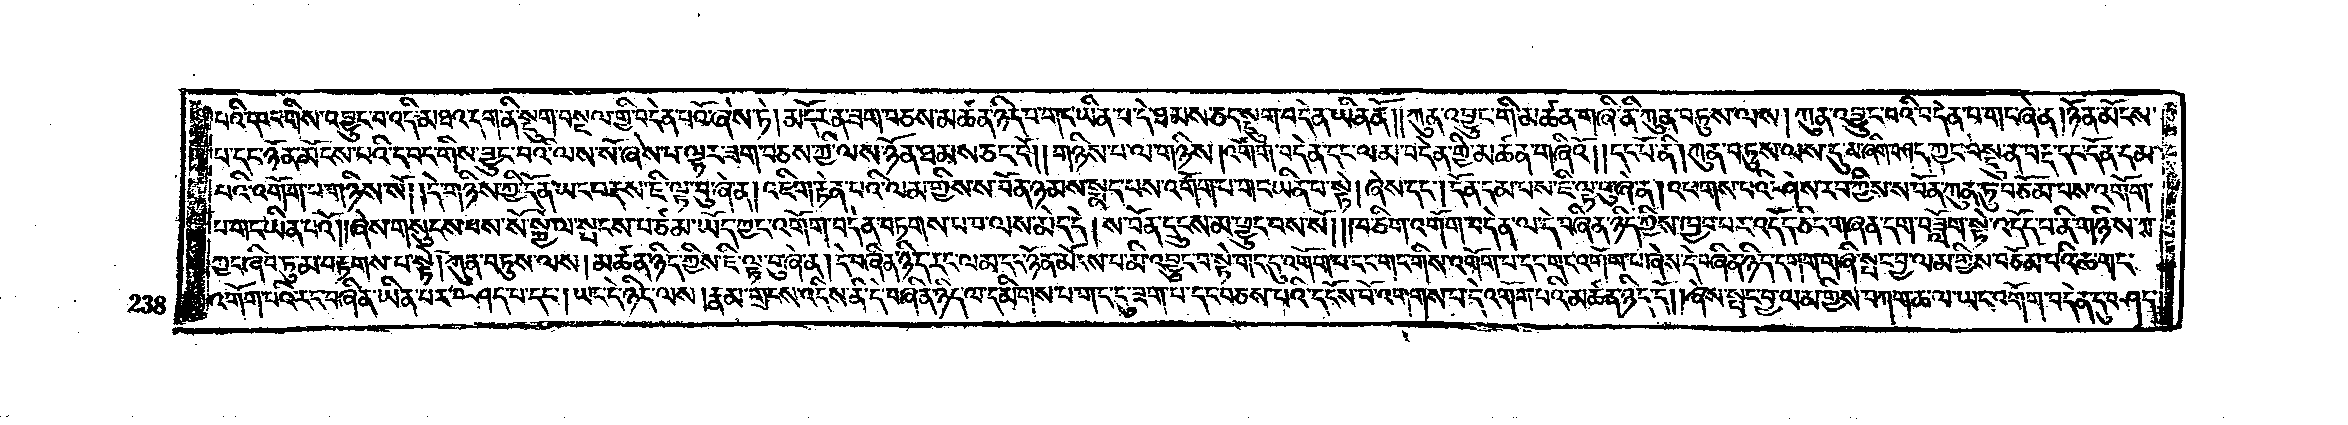པའི་དབང་གིས་འབྱུང་བ་འདི་མཐའ་དག་ནི་སྡུག་བསྔལ་གྱི་བདེན་པའོ་ཞེས་ཏེ། མདོར་ན་ཟག་བཅས་མཚན་ཉིད་པ་གང་ཡིན་པ་དེ་ཐམས་ཅད་སྡུག་བདེན་ཡིན་ནོ། །ཀུན་འབྱུང་གི་མཚན་གཞི་ནི་ཀུན་བཏུས་ལས། ཀུན་འབྱུང་བའི་བདེན་པ་གང་ཞེ་ན། ཉོན་མོངས་
པ་དང་ཉོན་མོངས་པའི་དབང་གིས་བྱུང་བའི་ལས་སོ་ཞེས་པ་ལྟར་ཟག་བཅས་ཀྱི་ལས་ཉོན་ཐམས་ཅད་དོ། །གཉིས་པ་ལ་གཉིས། འགོག་བདེན་དང་ལམ་བདེན་གྱི་མཚན་གཞིའོ། །དང་པོ་ནི། ཀུན་བཏུས་ལས་དུ་མ་ཞིག་བཤད་ཀྱང་བསྡུ་ན་བརྡ་དང་དོན་དམ་
པའི་འགོག་པ་གཉིས་སོ། །དེ་གཉིས་ཀྱི་དོན་ཡང་བརྡས་ཇི་ལྟ་བུ་ཞེ་ན། འཇིག་རྟེན་པའི་ལམ་གྱི་ས་བོན་ཉམས་སྨད་པས་འགོག་པ་གང་ཡིན་པ་སྟེ། ཞེས་དང་། དོན་དམ་པས་ཇི་ལྟ་བུ་ཞེ་ན། འཕགས་པའི་ཤེས་རབ་ཀྱིས་ས་བོན་ཀུན་ཏུ་བཅོམ་པས་འགོག་
པ་གང་ཡིན་པའོ། །ཞེས་གསུངས་པས་སོ་སྐྱེ་ལ་སྤངས་པ་ཙམ་ཡོད་ཀྱང་འགོག་བདེན་བཏགས་པ་བ་ལས་མེད་དེ། ས་བོན་དྲུངས་མ་ཕྱུང་བས་སོ། །ཁ་ཅིག་འགོག་བདེན་ལ་དེ་བཞིན་ཉིད་ཀྱིས་ཁྱབ་པར་འདོད་ཅིང་གཞན་དག་བཟློག་སྟེ་འདོད་པ་ནི་གཉིས་ཀས་
ཀྱང་ཞིབ་ཏུ་མ་བརྟགས་པ་སྟེ། ཀུན་བཏུས་ལས། མཚན་ཉིད་ཀྱིས་ཇི་ལྟ་བུ་ཞེ་ན། དེ་བཞིན་ཉིད་དང་ལམ་དང་ཉོན་མོངས་པ་མི་འབྱུང་བ་སྟེ་གང་དུ་འགོག་པ་དང་གང་གིས་འགོག་པ་དང་གང་འགོག་པ་ཞེས་དེ་བཞིན་ཉིད་དགག་གཞི་སྤང་བྱ་ལམ་གྱིས་བཅོམ་པའི་ཆ་གང་
འགོག་པའི་རང་བཞིན་ཡིན་པར་བཤད་པ་དང་། ཡང་དེ་ཉིད་ལས། རྣམ་གྲངས་འདིས་ནི་དེ་བཞིན་ཉིད་ལ་དམིགས་པ་གང་དུ་ཟག་པ་དང་བཅས་པའི་དངོས་པོ་འགགས་པ་དེ་འགོག་པའི་མཚན་ཉིད་དོ། །ཞེས་སྤང་བྱ་ལམ་གྱིས་བཀག་ཆ་ལ་ཡང་འགོག་བདེན་དུ་བཤད་